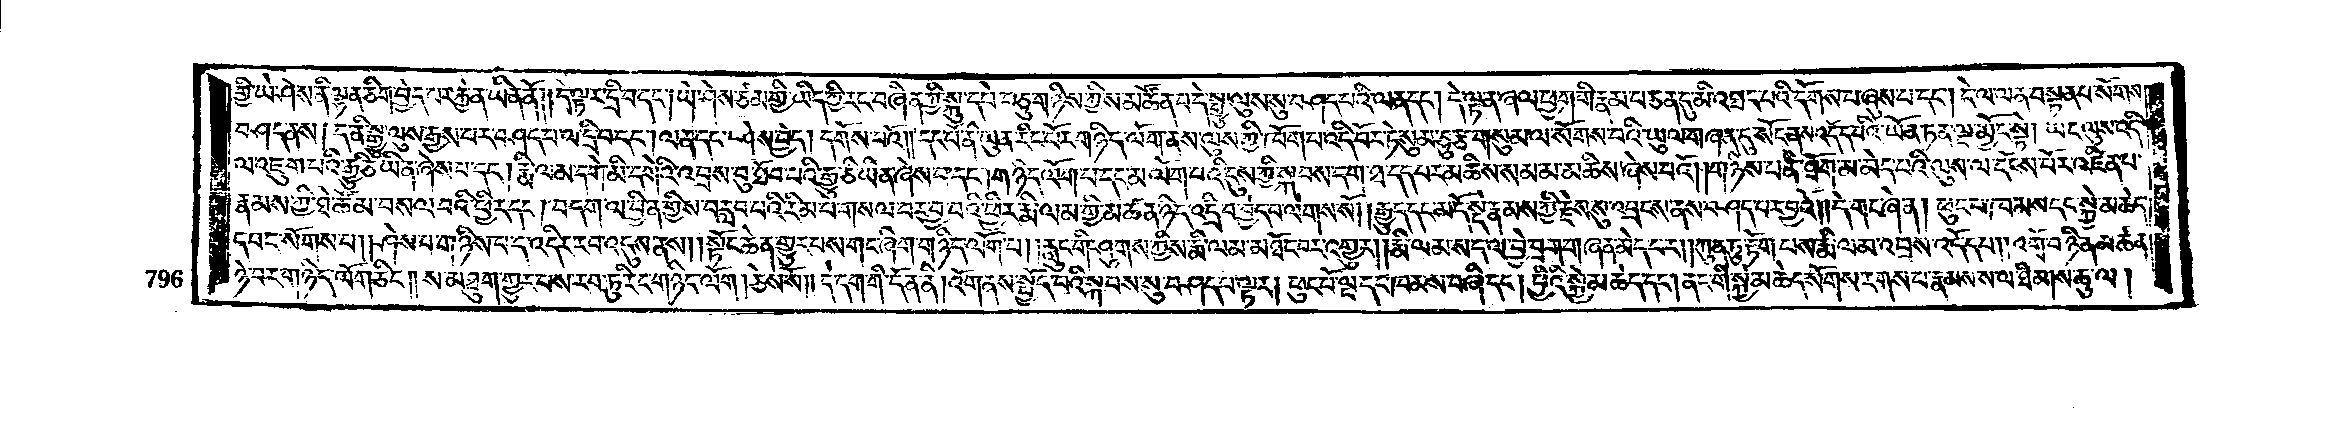གྱི་ཡེ་ཤེས་ནི་ལྷན་ཅིག་བྱེད་པའི་རྐྱེན་ཡིན་ནོ། །དེ་ལྟར་དྲི་བ་དང་། ཡེ་ཤེས་ཙམ་གྱི་ཡིད་ཀྱི་རང་བཞིན་གྱི་སྐུ་དཔེ་བཅུ་གཉིས་ཀྱིས་མཚོན་པ་དེ་སྒྱུ་ལུས་སུ་བཤད་པའི་ལན་དང་། དེ་ལྟ་ན་ཞལ་ཕྱག་གི་རྣམ་པ་ཅན་དུ་མི་འཐད་པའི་དོགས་པ་ཞུས་པ་དང་། དེ་ལ་ལན་བསྟན་པ་སོགས་
བཤད་ནས། ད་ནི་སྒྱུ་ལུས་རྒྱས་པར་བཤད་པ་ལ་དྲི་བ་དང་། ལན་དང་། ཤེས་བྱེད། དགོས་པའོ། །དང་པོ་ནི་ཡུན་རིང་པོར་གཉིད་ལོག་ནས་ལུས་ཀྱི་ཁོག་པ་འདི་བོར་ཏེ་སུམ་ཅུ་རྩ་གསུམ་ལ་སོགས་པའི་ཡུལ་གཞན་དུ་སོང་ནས་འདོད་པའི་ཡོན་ཏན་ལྔ་མྱོང་སྟེ། ཡང་ལུས་འདི་
ལ་འཇུག་པའི་རྒྱུ་ཅི་ཡིན་ཞེས་པ་དང་། རྨི་ལམ་དགེ་མི་དགེའི་འབྲས་བུ་ཐོབ་པའི་རྒྱུ་ཅི་ཡིན་ཞེས་པ་དང་། གཉིད་ལོག་པ་དང་མི་ལོག་པའི་དུས་ཀྱི་སྐབས་དག་ཐ་དད་པར་མཆིས་སམ་མ་མཆིས་ཞེས་པའོ། །གཉིས་པ་ནི་ཐོག་མ་མེད་པའི་ལུས་ལ་དངོས་པོར་འཛིན་པ་
རྣམས་ཀྱི་ཐེ་ཚོམ་བསལ་བའི་ཕྱིར་དང་། བདག་ལ་བྱིན་གྱིས་བརླབ་པའི་རིམ་པ་གསལ་བར་བྱ་བའི་ཕྱིར་རྨི་ལམ་གྱི་མཚན་ཉིད་འདྲི་བ་བྱེད་པ་ལེགས་སོ། །རྒྱུད་དང་མདོ་སྡེ་རྣམས་ཀྱི་རྗེས་སུ་འབྲངས་ནས་བཤད་པར་བྱའོ། །དེ་གང་ཞེ་ན། ཕུང་པོ་ཁམས་དང་སྐྱེ་མཆེད་
དབང་སོགས་པ། །ཤེས་པ་གཉིས་པ་ད་འདིར་རབ་འདུས་ནས། །སྟོང་ཆེན་གྱུར་པས་གང་ཞིག་གཉིད་ལོག་པ། །རླུང་གི་ཤུགས་ཀྱིས་རྨི་ལམ་མཐོང་བར་འགྱུར། །རྨི་ལམ་སད་ལ་བྱེ་བྲག་གཞན་མེད་པར། །ཀུན་ཏུ་རྟོག་པས་རྨི་ལམ་འབྲས་འདོད་པ། །འགྲོ་བ་ཉིན་མཚན་
ཉེ་བར་གཉིད་ལོག་ཅིང་། །ས་མཐུག་གྱུར་པས་རབ་ཏུ་རིང་གཉིད་ལོག །ཅེས་སོ། །དེ་དག་གི་དོན་ནི། འོག་ནས་སྤྱོད་པའི་སྐབས་སུ་བཤད་པ་ལྟར། ཕུང་པོ་ལྔ་དང་ཁམས་བཞི་དང་། ཕྱིའི་སྐྱེ་མཆེད་དང་། ནང་གི་སྐྱེ་མཆེད་སོགས་རགས་པ་རྣམས་ལ་ཐིམ། ས་ཆུ་ལ།